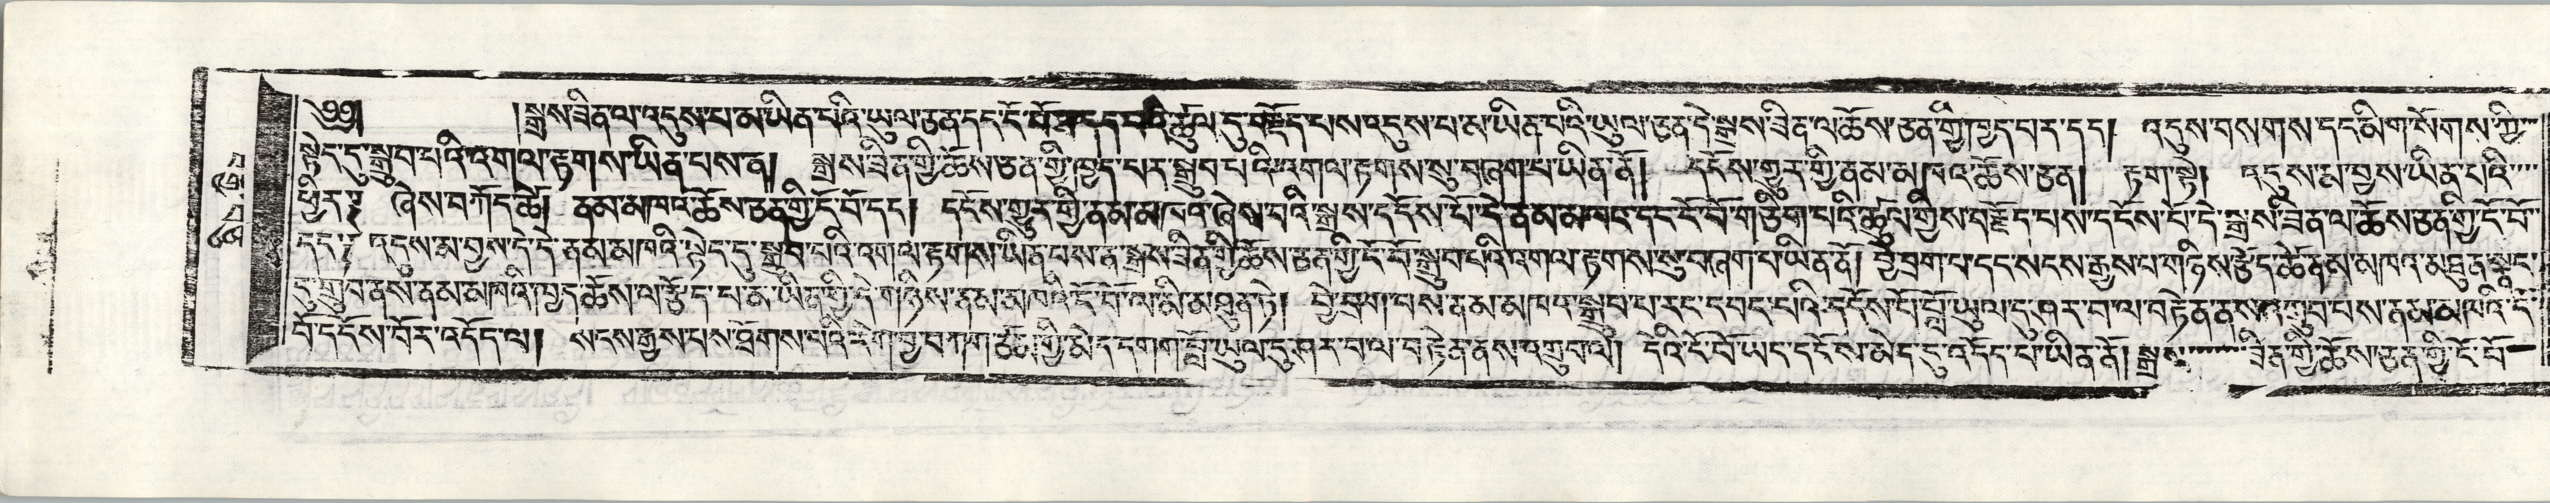༄༅། །སྒྲས་ཟིན་ལ་འདུས་པ་མ་ཡིན་པའི་ཡུལ་ཅན་དང་ངོ་བོ་ཐ་དད་པའི་ཚུལ་དུ་བརྗོད་པས་འདུས་པ་མ་ཡིན་པའི་ཡུལ་ཅན་དེ་སྒྲས་ཟིན་ལ་ཆོས་ཅན་གྱི་ཁྱད་པར་དང་། འདུས་བསགས་དང་མིག་སོགས་ཀྱི་
སྟེང་དུ་སྒྲུབ་པའི་འགལ་རྟགས་ཡིན་པས་ན། སྒྲས་ཟིན་གྱི་ཆོས་ཅན་གྱི་ཁྱད་པར་སྒྲུབ་པའི་འགལ་རྟགས་སུ་བཞག་པ་ཡིན་ནོ། །དངོས་གྱུར་གྱི་ནམ་མཁའ་ཆོས་ཅན། རྟག་སྟེ། འདུས་མ་བྱས་ཡིན་པའི་
ཕྱིར། ཞེས་བཀོད་ཚེ། ནམ་མཁའི་ཆོས་ཅན་གྱི་ངོ་བོ་དང་། དངོས་གྱུར་གྱི་ནམ་མཁའ་ཞེས་པའི་སྒྲས་དངོས་པོ་དེ་ནམ་མཁའ་དང་ངོ་བོ་གཅིག་པའི་ཚུལ་གྱིས་བརྗོད་པས་དངོས་པོ་དེ་སྒྲས་ཟིན་ལ་ཆོས་ཅན་གྱི་ངོ་བོ་
དང་། འདུས་མ་བྱས་དེ་དེ་ནམ་མཁའི་སྟེང་དུ་སྒྲུབ་པའི་འགལ་རྟགས་ཡིན་པས་ན་སྒྲས་ཟིན་གྱི་ཆོས་ཅན་གྱི་ངོ་བོ་སྒྲུབ་པའི་འགལ་རྟགས་སུ་བཞག་པ་ཡིན་ནོ། བྱེ་བྲག་པ་དང་སངས་རྒྱས་པ་གཉིས་རྩོད་ཚེ་ནམ་མཁའ་མཐུན་སྣང་
དུ་གྲུབ་ནས་ནམ་མཁའི་ཁྱད་ཆོས་ལ་རྩོད་པ་མ་ཡིན་གྱི་དེ་གཉིས་ནམ་མཁའི་ངོ་བོ་ལ་མི་མཐུན་ཏེ། བྱེ་བྲག་པས་ནམ་མཁའ་སྒྲུབ་པ་རང་དབང་བའི་དངོས་པོ་བློ་ཡུལ་དུ་ཤར་བ་ལ་བརྟེན་ནས་འགྲུབ་པས་ནམ་མཁའི་ངོ་
བོ་དངོས་པོར་འདོད་ལ། སངས་རྒྱས་པས་ཐོགས་པའི་རེག་བྱ་བཀག་ཙམ་གྱི་མེད་དགག་བློ་ཡུལ་དུ་ཤར་བ་ལ་བརྟེན་ནས་འགྲུབ་ལ། དེའི་ངོ་བོ་ཡང་དངོས་མེད་དུ་འདོད་པ་ཡིན་ནོ། །སྒྲས་ཟིན་གྱི་ཆོས་ཅན་གྱི་ངོ་བོ་